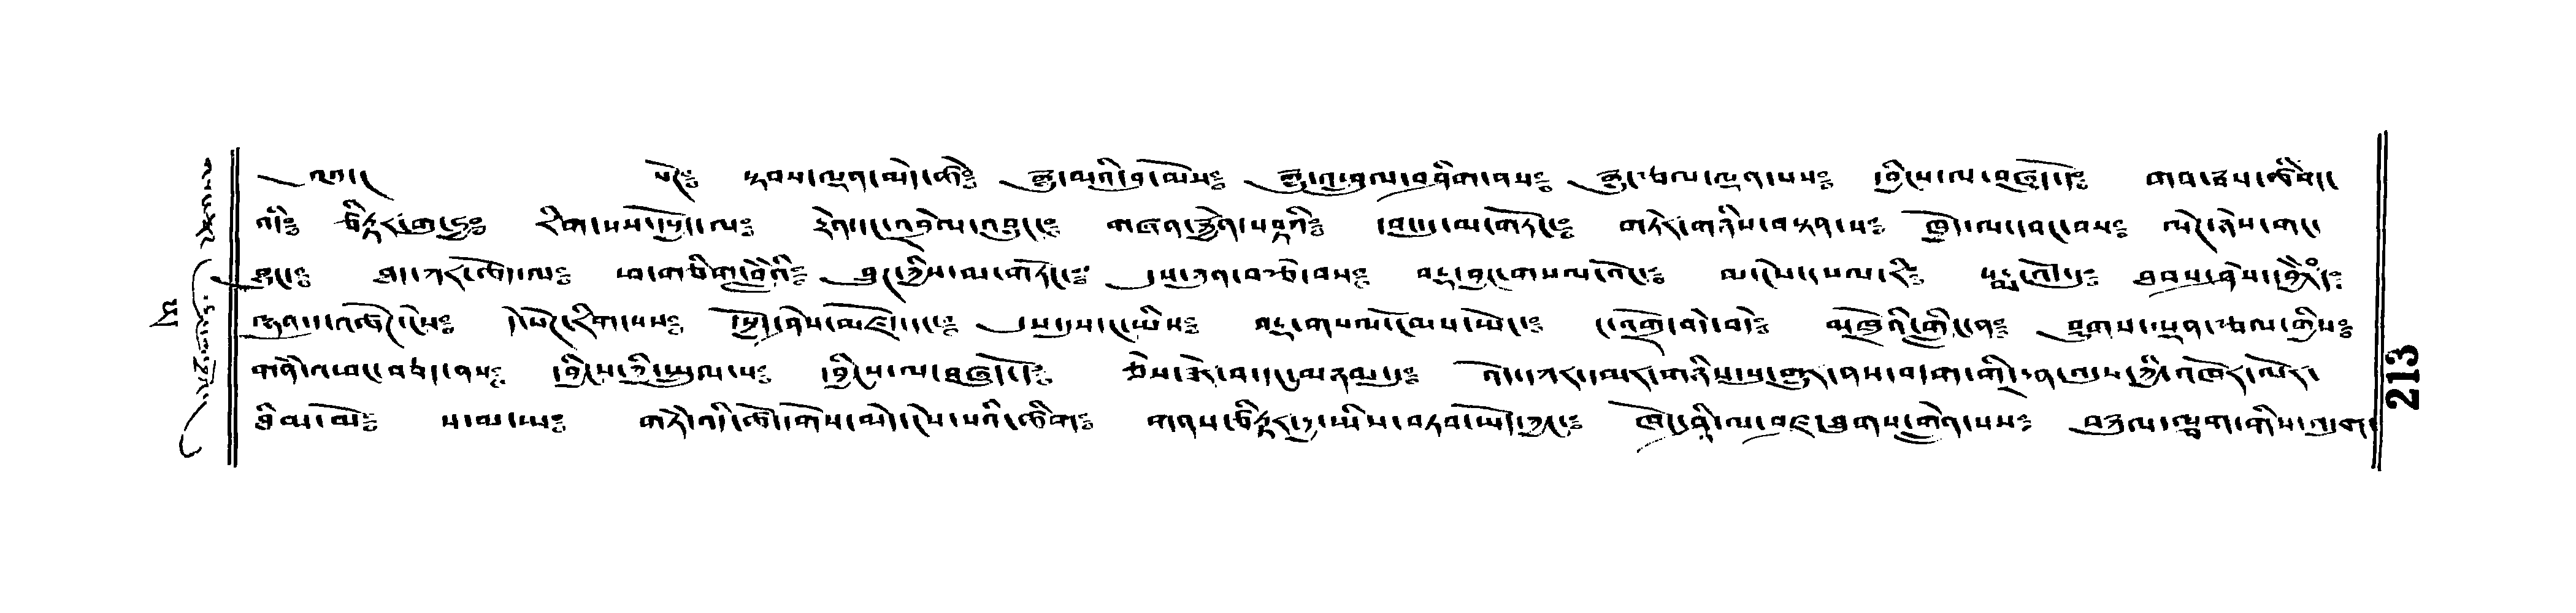སོགས༔ སྟབས་ལྡན་མེད་ཚེ༔ སྒྱུ་མའི་བུ་མོས༔ སྒྱུ་འཕྲུལ་བཤིག་ནས༔ སྒྱུ་རྩལ་ལྡན་པས༔དབྱིངས་ལ་བཞུད་དོ༔ གབ་སྦས་ཚིག་
འདི༔ ཙིཏྟར་གུ་ཧྱ༔ རིག་པས་དཔྱོད་ལ༔ རྟེན་དང་འབྲེལ་འབྱུང༔ གཞན་རྐྱེན་སབྟའི༔ དབང་དུ་མ་གཏོང༔ གཏེར་གཉིས་བསྟན་པ༔ ཁྱོད་ལ་དབང་བས༔ ལེགས་ཉེས་གང་
བྱུང༔ ཐད་ཀར་ཆོད་ལ༔ ཕ་གཅིག་བླ་མ༔ ཐུགས་ཀྱིས་མ་གཏོང་ཿ དུས་ཀུན་བརྩེ་བས༔ བརྡ་བྱང་གསལ་འོང༔ མ་ངེས་དཔལ་རི༔ པདྨ་འོད་དུ༔ ཐབས་ཤེས་དབྱེར་མེད༔ 
ལྷན་དུ་འཚོགས་ངེས༔ དེ་སོགས་རིག་པས༔ དཔྱོད་ཤེས་མཛོད་དང༔ དུས་དུས་ང་ཡིས༔ བརྡ་གསལ་ངོམས་ཡོང༔ ང་འགྲོ་བདེ་བདེ༔ མཁའ་འགྲོའི་གླིང་ལ༔ ཤུགས་ལྡན་རྩལ་གྱིས༔ 
གནམ་འཕང་བཅད་ནས༔ དབྱིངས་ཀྱི་སྤྲུལ་པ༔ དབྱིངས་ལ་བཞུད་དོ༔ ཅེས་ཟེར་བ་དང་མཉམ་དུ༔ འོད་དཀར་དམར་གཉིས་སུ་གྱུར་ནས་བདག་གི་དྲན་འདུས་ཀྱི་འཁོར་ལོར་
ཐིམ་མོ༔ ས་མ་ཡ༔ གཏམ་འདི་ཚོ་དགོས་མེད་ངེས་པའི་ཚིག༔ གནས་ཙིཏྟར་རྒྱ་ཡིས་བཏབ་ཡོད་ཀྱང་ཿ ཁོང་ཤཱི་ལ་བཛྲ་ཐུགས་གླེན་པས༔ བསྐུལ་ལྕག་གིས་འདུག་